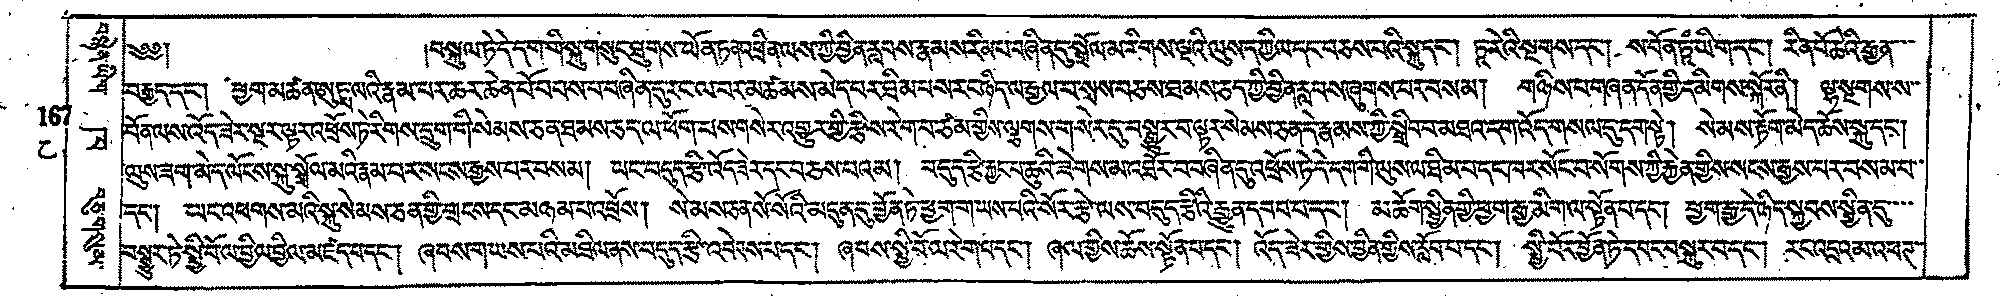༄༅། །བསྐུལ་ཏེ་དེ་དག་གི་སྐུ་གསུང་ཐུགས་ཡོན་ཏན་འཕྲིན་ལས་ཀྱི་བྱིན་རླབས་རྣམས་རིམ་པ་བཞིན་དུ་སྒྲོལ་མ་རིགས་ལྔའི་ལུས་དཀྱིལ་དང་བཅས་པའི་སྐུ་དང་། ཏཱ་རེའི་སྔགས་དང་། ས་བོན་ཏཱཾ་ཡིག་དང་། རིན་པོ་ཆེའི་རྒྱན་་་
བརྒྱད་དང་། ཕྱག་མཚན་ཨུཏྤ་ལའི་རྣམ་པར་ཆར་ཆེན་པོ་བབས་པ་བཞིན་དུ་རང་ལ་བར་མཚམས་མེད་པར་ཐིམ་པས་རང་ཉིད་ལ་རྒྱལ་བ་སྲས་བཅས་ཐམས་ཅད་ཀྱི་བྱིན་རླབས་ཞུགས་པར་བསམ། གཉིས་པ་གཞན་དོན་གྱི་དམིགས་སྐོར་ནི། ལྷ་སྔགས་ས་་་
བོན་ལས་འོད་ཟེར་སྔར་ལྟར་འཕྲོས་ཏེ་རིགས་དྲུག་གི་སེམས་ཅན་ཐམས་ཅད་ལ་ཕོག་པས་གསེར་འགྱུར་གྱི་རྩིས་རེག་པ་ཙམ་གྱིས་ལྕགས་གསེར་དུ་བསྒྱུར་བ་ལྟར་སེམས་ཅན་དེ་རྣམས་ཀྱི་སྒྲིབ་པ་མཐའ་དག་འོད་གསལ་དུ་དག་སྟེ། སེམས་རྟོག་མེད་ཆོས་སྐུ་དང་།
ལུས་ཟག་མེད་ལོངས་སྐུ་སྒྲོལ་མའི་རྣམ་པར་སངས་རྒྱས་པར་བསམ། ཡང་བདུད་རྩི་འོད་ཟེར་དང་བཅས་པའམ། བདུད་རྩི་རྐྱང་པ་ཆུའི་ཟེགས་མ་འཐོར་བ་བཞིན་དུ་འཕྲོས་ཏེ་དེ་དག་གི་ལུས་ལ་ཐིམ་པ་དང་ཁར་སོང་བ་སོགས་ཀྱི་རྐྱེན་གྱིས་སངས་རྒྱས་པར་བསམ་པ་་་
དང་། ཡང་འཕགས་མའི་སྐུ་སེམས་ཅན་གྱི་གྲངས་དང་མཉམ་པ་འཕྲོས། སེམས་ཅན་སོ་སོའི་མདུན་དུ་བྱོན་ཏེ་ཕྱག་གཡས་པའི་སོར་རྩེ་ལས་བདུད་རྩིའི་རྒྱུན་དབབ་པ་དང་། མཆོག་སྦྱིན་གྱི་ཕྱག་རྒྱ་མིག་ལ་སྟོན་པ་དང་། ཕྱག་རྒྱ་དེ་ཉིད་སྐྱབས་སྦྱིན་དུ་་་
བསྒྱུར་ཏེ་སྤྱི་བོ་ལ་བྱིལ་བྱིལ་མཛད་པ་དང་། ཞབས་གཡས་པའི་མཐིལ་ནས་བདུད་རྩི་འབེབས་པ་དང་། ཞབས་སྤྱི་བོ་ལ་རེག་པ་དང་། ཞལ་གྱིས་ཆོས་སྟོན་པ་དང་། འོད་ཟེར་གྱིས་བྱིན་གྱིས་རློབ་པ་དང་། སྤྱི་བོར་བྱོན་ཏེ་དབང་བསྐུར་བ་དང་། རང་འདྲའམ་འཕཊ་་་